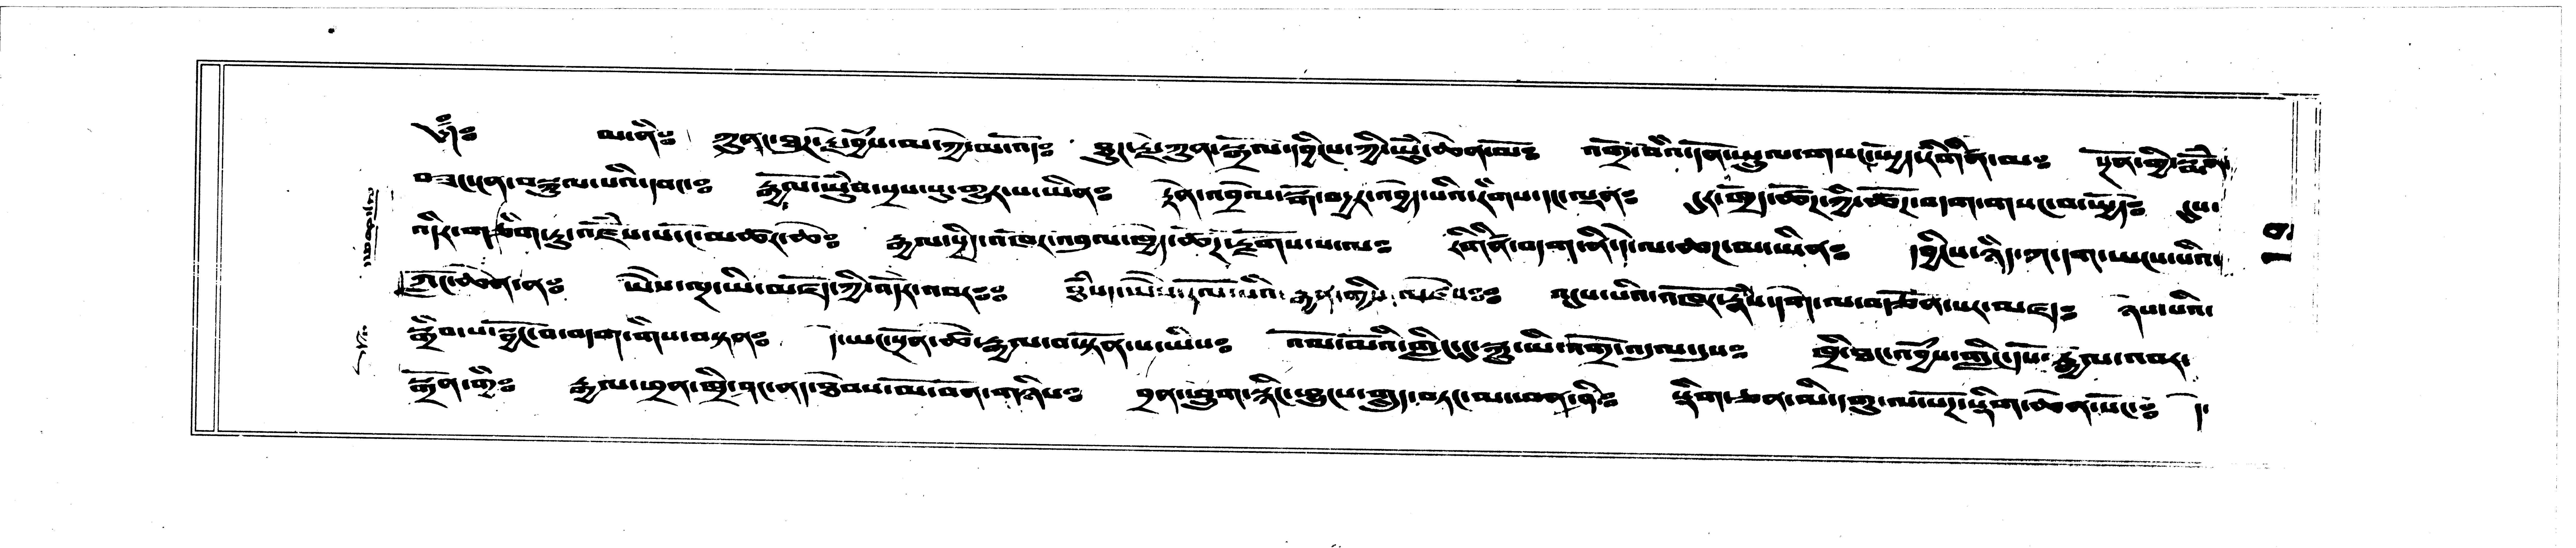མ་ནིཿ ཀུན་བཟང་ཐུགས་རྗེ་བྱམས་མ་ཀྱེ་མ་འོདཿ ཐུགས་རྗེ་ཀུན་སྒྲོལ་དབྱིངས་ཀྱི་ཡུམ་ཆེན་མོཿ འགྲོ་བའི་དོན་སྤྲུལ་གསང་སྤྱོད་རིག་འཛིན་མཿ སྔོན་གྱི་སྨོན་ལམ་
བཟང་ངན་བསྐུལ་པའི་དབངཿ རྒྱལ་པོ་ཡབ་ཡུམ་སྲས་སུ་གྱུར་པ་ཡིནཿ རྟེན་འབྲེལ་སྒོ་བརྒྱར་འགྱེད་པའི་རིགས་དང་ལྡནཿ དུར་ཁྲོད་ཚོགས་ཀྱི་ཚོགས་བདག་གསང་ལ་སྤྱོདཿ དུས་
འདིར་གཅིག་ཏུ་འཛོམས་པ་ངོ་མཚར་ཆེཿ རྒྱལ་སྲིད་འཁོར་འབུལ་ཁྱེད་ཚོགས་རྫོགས་པ་ལཿ རིག་འཛིན་བདག་ནི་དེ་ལ་ཆགས་མ་ཡིནཿ དབྱིངས་ཉིད་ཀ་དག་ཡངས་པའི་
ཀློང་ཆེན་ནཿ ཡེ་ཤེས་ལྔ་ཡི་མཛོད་ཀྱི་འོད་ཟེར་འབརཿ ཐམས་ཅད་ཡེ་ཤེས་རོལ་པའི་རྒྱན་གྱིས་མཛེསཿ འདུས་པའི་འཁོར་རྣམས་དགེ་ལ་བརྩོན་པར་མཛདཿ ཉེས་པའི་
སྒྲིབ་པ་སྦྱོང་བ་བདག་གིས་བསྟནཿ དེ་ཡང་སྔོན་ཚེ་རྒྱལ་བ་སྟོན་པ་ཡིསཿ འོལ་མོའི་གླིང་དུ་སྐུ་ཡིས་འགྲོ་འདུལ་དུསཿ ཁྲི་ཐང་འབྱམས་གླིང་དཔོ་རྒྱལ་འབར་
སྒྲོན་གྱིཿ རྒྱལ་ཕྲན་ཁྲི་ཤང་ནད་ཐེབས་མོ་བོན་གཉིསཿ བྲན་ཕྲུག་སྙིང་ཕྱུངས་གླུད་བཏང་མ་ཕན་ཤིཿ སྡིག་ཆེན་མི་དགུ་ལ་སོགས་སྡིག་ཆེན་སོངཿ དེ་